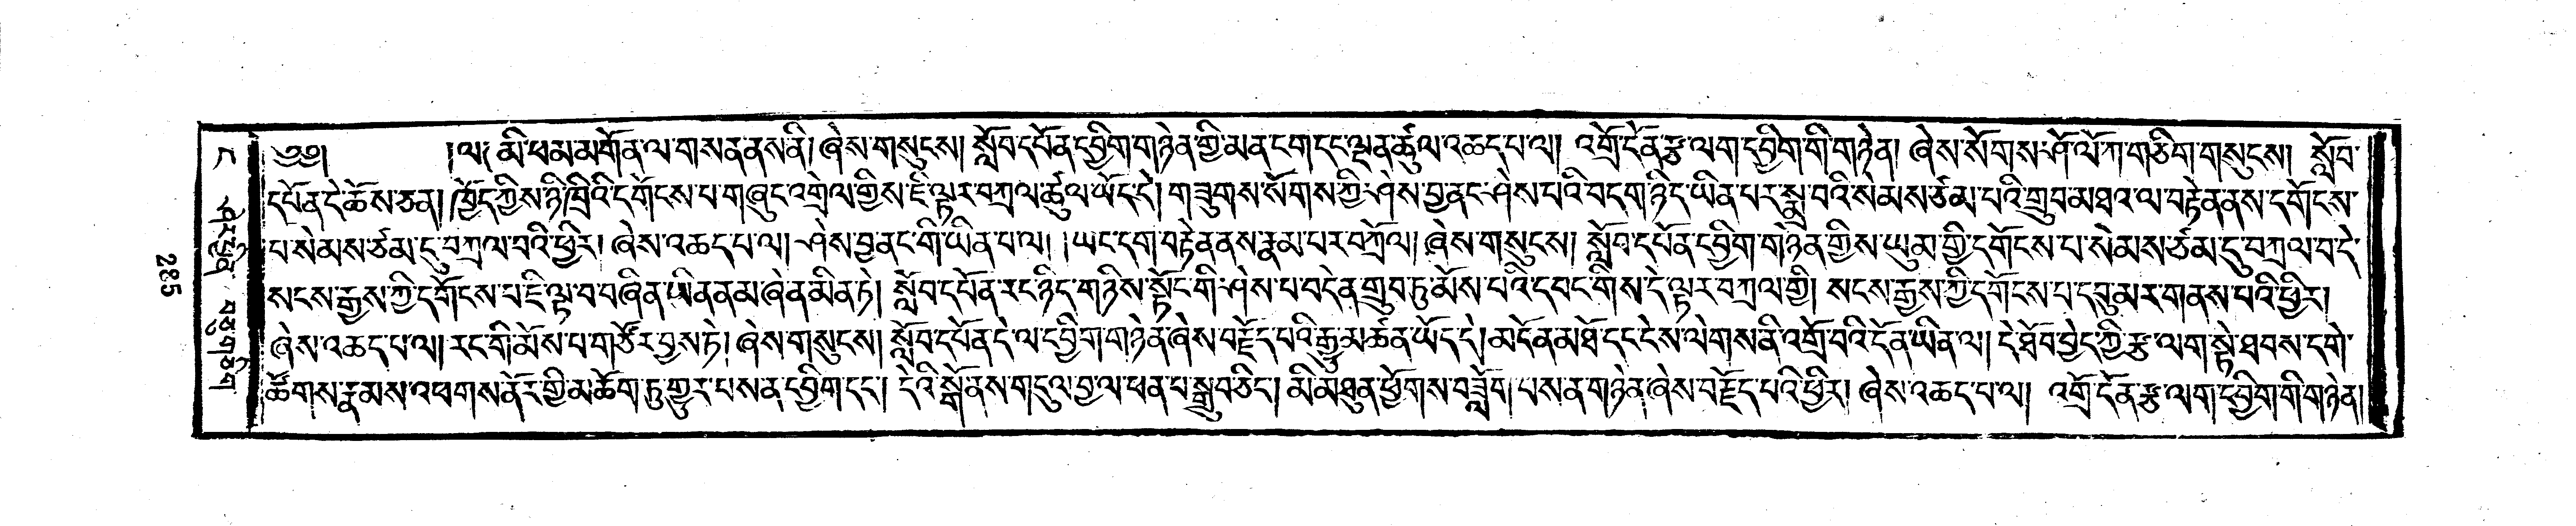༄༅། །ལ། མི་ཕམ་མགོན་ལ་གསན་ནས་ནི། ཞེས་གསུངས། སློབ་དཔོན་དབྱིག་གཉེན་གྱི་མན་ངག་དང་ལྡན་ཚུལ་འཆད་པ་ལ། འགྲོ་དོན་རྩ་ལག་དབྱིག་གི་གཉེན། ཞེས་སོགས་ཤོ་ལོ་ཀ་གཅིག་གསུངས། སློབ་
དཔོན་དེ་ཆོས་ཅན། ཁྱོད་ཀྱིས་ཉི་ཁྲིའི་དགོངས་པ་གཞུང་འགྲེལ་གྱིས་ཇི་ལྟར་བཀྲལ་ཚུལ་ཡོད་དེ། གཟུགས་སོགས་ཀྱི་ཤེས་བྱ་ནང་ཤེས་པའི་བདག་ཉིད་ཡིན་པར་སྨྲ་བའི་སེམས་ཙམ་པའི་གྲུབ་མཐའ་ལ་བརྟེན་ནས་དགོངས་
པ་སེམས་ཙམ་དུ་བཀྲལ་བའི་ཕྱིར། ཞེས་འཆད་པ་ལ། ཤེས་བྱ་ནང་གི་ཡིན་པ་ལ། །ཡང་དག་བརྟེན་ནས་རྣམ་པར་བཀྲོལ། ཞེས་གསུངས། སློབ་དཔོན་དབྱིག་གཉེན་གྱིས་ཡུམ་གྱི་དགོངས་པ་སེམས་ཙམ་དུ་བཀྲལ་བ་དེ་
སངས་རྒྱས་ཀྱི་དགོངས་པ་ཇི་ལྟ་བ་བཞིན་ཡིན་ནམ་ཞེ་ན་མིན་ཏེ། སློབ་དཔོན་རང་ཉིད་གཉིས་སྟོང་གི་ཤེས་པ་བདེན་གྲུབ་ཏུ་མོས་པའི་དབང་གིས་དེ་ལྟར་བཀྲལ་གྱི། སངས་རྒྱས་ཀྱི་དགོངས་པ་དབུ་མར་གནས་པའི་ཕྱིར།
ཞེས་འཆད་པ་ལ། རང་གི་མོས་པ་གཙོར་བྱས་ཏེ། ཞེས་གསུངས། སློབ་དཔོན་དེ་ལ་དབྱིག་གཉེན་ཞེས་བརྗོད་པའི་རྒྱུ་མཚན་ཡོད་དེ། མངོན་མཐོ་དང་ངེས་ལེགས་ནི་འགྲོ་བའི་དོན་ཡིན་ལ། དེ་ཐོབ་བྱེད་ཀྱི་རྩ་ལག་སྟེ་ཐབས་དགེ་
ཚོགས་རྣམས་འཕགས་ནོར་གྱི་མཆོག་ཏུ་གྱུར་པས་ན་དབྱིག་དང་། དེའི་སྒོ་ནས་གདུལ་བྱ་ལ་ཕན་པ་སྒྲུབ་ཅིང་། མི་མཐུན་ཕྱོགས་བཟློག་པས་ན་གཉེན་ཞེས་བརྗོད་པའི་ཕྱིར། ཞེས་འཆད་པ་ལ། འགྲོ་དོན་རྩ་ལག་དབྱིག་གི་གཉེན།